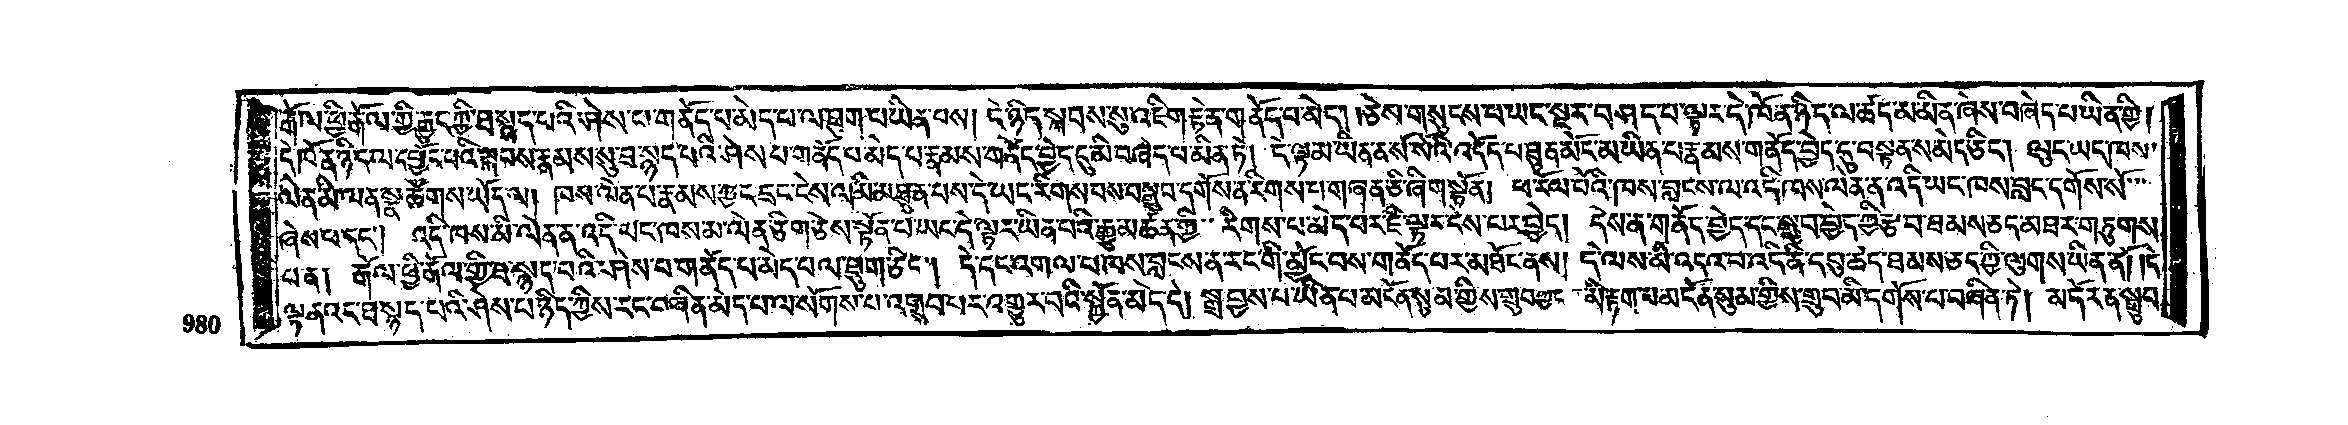རྒོལ་ཕྱི་རྒོལ་གྱི་རྒྱུད་ཀྱི་ཐ་སྙད་པའི་ཤེས་པ་གནོད་པ་མེད་པ་ལ་ཐུག་པ་ཡིན་པས། དེ་ཉིད་སྐབས་སུ་འཇིག་རྟེན་གནོད་པ་མེད། །ཅེས་གསུངས་པ་ཡང་སྔར་བཤད་པ་ལྟར་དེ་ཁོ་ན་ཉིད་ལ་ཚད་མ་མིན་ཞེས་བཞེད་པ་ཡིན་གྱི།
དེ་ཁོ་ན་ཉིད་ལ་དཔྱོད་པའི་སྐབས་རྣམས་སུ་ཐ་སྙད་པའི་ཤེས་པ་གནོད་པ་མེད་པ་རྣམས་གནོད་བྱེད་དུ་མི་བཞེད་པ་མིན་ཏེ། དེ་ལྟ་མ་ཡིན་ན་སོ་སོའི་འདོད་པ་ཐུན་མོང་མ་ཡིན་པ་རྣམས་གནོད་བྱེད་དུ་བསྟན་ས་མེད་ཅིང་། ལུང་ཡང་ཁས་
ལེན་མི་ལེན་སྣ་ཚོགས་ཡོད་ལ། ཁས་ལེན་པ་རྣམས་ཀྱང་དྲང་ངེས་ལ་མི་མཐུན་པས་དེ་ཡང་རིགས་པས་བསྒྲུབ་དགོས་ན་རིགས་པ་གཞན་ཅི་ཞིག་སྟོན། ཕ་རོལ་པོའི་ཁས་བླངས་ལ་འདི་ཁས་ལེན་ན་འདི་ཡང་ཁས་བླང་དགོས་སོ་
ཞེས་པ་དང་། འདི་ཁས་མི་ལེན་ན་འདི་ཡང་ཁས་མ་ལེན་ཅིག་ཅེས་སྟོན་པ་ཡང་དེ་ལྟར་ཡིན་པའི་རྒྱུ་མཚན་གྱི་རིགས་པ་མེད་པར་ཇི་ལྟར་ངེས་པར་བྱེད། དེས་ན་གནོད་བྱེད་དང་སྒྲུབ་བྱེད་ཀྱི་རྩ་བ་ཐམས་ཅད་མཐར་གཏུགས་
པ་ན༑ རྒོལ་ཕྱི་རྒོལ་གྱི་ཐ་སྙད་པའི་ཤེས་པ་གནོད་པ་མེད་པ་ལ་ཐུག་ཅིང་། དེ་དང་འགལ་བ་ཁས་བླངས་ན་རང་གི་མྱོང་བས་གནོད་པར་མཐོང་ནས། དེ་ལས་མི་འདའ་བ་འདི་ནི་དབུ་ཚད་ཐམས་ཅད་ཀྱི་ལུགས་ཡིན་ནོ། །དེ་
ལྟ་ནའང་ཐ་སྙད་པའི་ཤེས་པ་ཉིད་ཀྱིས་རང་བཞིན་མེད་པ་ལ་སོགས་པ་འགྲུབ་པར་འགྱུར་བའི་སྐྱོན་མེད་དེ། སྒྲ་བྱས་པ་ཡིན་པ་མངོན་སུམ་གྱིས་གྲུབ་ཀྱང་མི་རྟག་པ་མངོན་སུམ་གྱིས་གྲུབ་མི་དགོས་པ་བཞིན་ཏེ། མདོར་ན་སྒྲུབ་